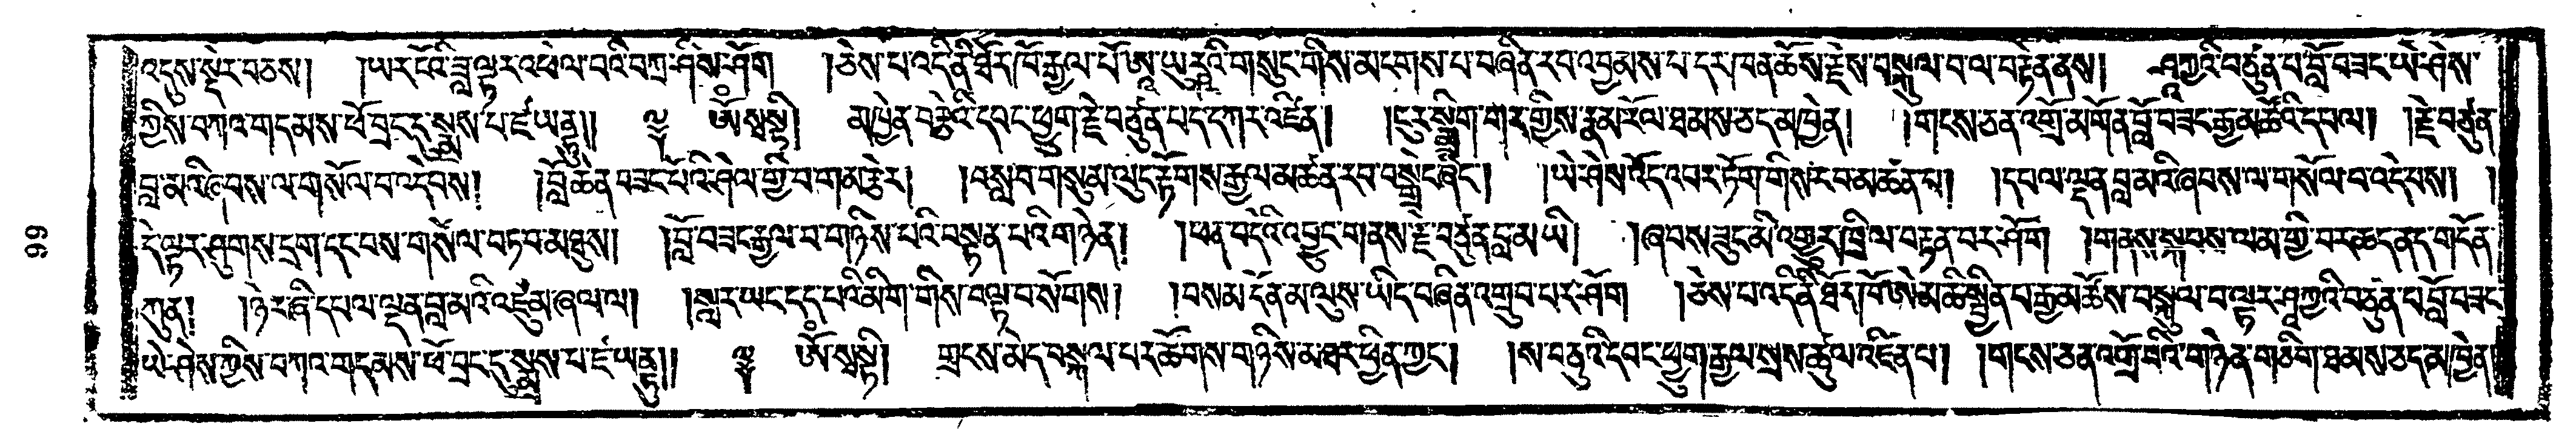འདུས་སྡེར་བཅས། །ཡར་ངོའི་ཟླ་ལྟར་འཕེལ་བའི་བཀྲ་ཤིས་ཤོག །ཅེས་པ་འདི་ནི་ཐོར་ཁོ་རྒྱལ་པོ་ཨཱ་ཡུརྵའི་གསུང་གིས་མངགས་པ་བཞིན་རབ་འབྱམས་པ་དར་ཁན་ཆོས་རྗེས་བསྐུལ་བ་ལ་བརྟེན་ནས། ཤཱཀྱའི་བཙུན་པ་བློ་བཟང་ཡེ་ཤེས་
ཀྱིས་བཀའ་གདམས་ཕོ་བྲང་དུ་སྨྲས་པ་ཛ་ཡན་ཏུ།། ༈ ཨོཾ་སྭ་སྟི། མཁྱེན་བརྩེའི་དབང་ཕྱུག་རྗེ་བཙུན་པད་དཀར་འཛིན། །དུར་སྨྲིག་གར་གྱིས་རྣམ་རོལ་ཐམས་ཅད་མཁྱེན། །གངས་ཅན་འགྲོ་མགོན་བློ་བཟང་རྒྱ་མཚོའི་དཔལ། །རྗེ་བཙུན་
བླ་མའི་ཞབས་ལ་གསོལ་བ་འདེབས། །བློ་ཆེན་བཟང་པོའི་ཤེལ་གྱི་བ་གམ་རྩེར། །བསླབ་གསུམ་ལུང་རྟོགས་རྒྱལ་མཚན་རབ་བསྒྲེང་ཞིང་། །ཡེ་ཤེས་འོད་འབར་ཏོག་གིས་རབ་མཚན་པ། །དཔལ་ལྡན་བླ་མའི་ཞབས་ལ་གསོལ་བ་འདེབས། །
དེ་ལྟར་ཤུགས་དྲག་དང་བས་གསོལ་བཏབ་མཐུས། །བློ་བཟང་རྒྱལ་བ་གཉིས་པའི་བསྟན་པའི་གཉེན། །ཕན་བདེའི་འབྱུང་གནས་རྗེ་བཙུན་བླ་མ་ཡི། །ཞབས་ཟུང་མི་འགྱུར་ཁྲི་ལ་བརྟན་བར་ཤོག །གནས་སྐབས་ལམ་གྱི་བར་ཆད་ནད་གདོན་
ཀུན༑ །ཉེར་ཞི་དཔལ་ལྡན་བླ་མའི་འཛུམ་ཞལ་ལ། །སླར་ཡང་དད་པའི་མིག་གིས་བལྟ་བ་སོགས། །བསམ་དོན་མ་ལུས་ཡིད་བཞིན་འགྲུབ་པར་ཤོག །ཅེས་པ་འདི་ནི་ཐོར་ཁོ་ཨེམ་ཆི་སྦྱིན་པ་རྒྱ་མཚོས་བསྐུལ་བ་ལྟར་ཤཱཀྱའི་བཙུན་པ་བློ་བཟང་
ཡེ་ཤེས་ཀྱིས་བཀའ་གདམས་ཕོ་བྲང་དུ་སྨྲས་པ་ཛ་ཡནྟུ། །༈ ཨོཾ་སྭསྟི། གྲངས་མེད་བསྐལ་པར་ཆོགས་གཉིས་མཐར་ཕྱིན་ཀྱང་། །ས་བཅུའི་དབང་ཕྱུག་རྒྱལ་སྲས་ཚུལ་འཛིན་པ། །གངས་ཅན་འགྲོ་བའི་གཉེན་གཅིག་ཐམས་ཅད་མཁྱེན་